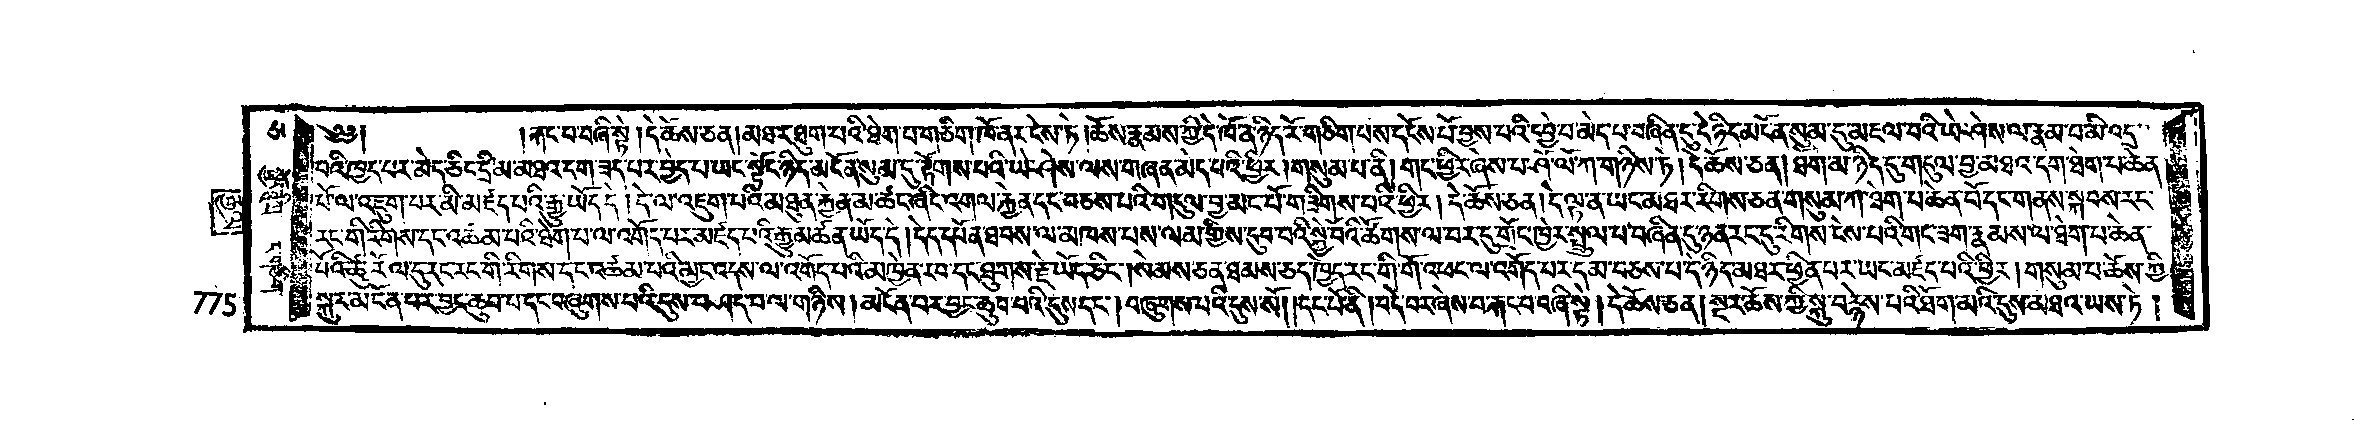༄༅། །རྐང་པ་བཞི་སྟེ། དེ་ཆོས་ཅན། མཐར་ཐུག་པའི་ཐེག་པ་གཅིག་ཁོ་ནར་ངེས་ཏེ། ཆོས་རྣམས་ཀྱི་དེ་ཁོ་ན་ཉིད་རོ་གཅིག་པས་དངོས་པོ་བྱས་པའི་དབྱེ་བ་མེད་པ་བཞིན་དུ་དེ་ཉིད་མངོན་སུམ་དུ་མཇལ་བའི་ཡེ་ཤེས་ལ་རྣམ་པ་མི་འདྲ་
བའི་ཁྱད་པར་མེད་ཅིང་དྲི་མ་མཐའ་དག་ཟད་པར་བྱེད་པ་ཡང་སྟོང་ཉིད་མངོན་སུམ་དུ་རྟོགས་པའི་ཡེ་ཤེས་ལས་གཞན་མེད་པའི་ཕྱིར། གསུམ་པ་ནི། གང་ཕྱིར་ཞེས་པ་ཤོ་ལོ་ཀ་གཉིས་ཏེ། དེ་ཆོས་ཅན། ཐོག་མ་ཉིད་དུ་གདུལ་བྱ་མཐའ་དག་ཐེག་པ་ཆེན་
པོ་ལ་འཇུག་པར་མི་མཛད་པའི་རྒྱུ་ཡོད་དེ། དེ་ལ་འཇུག་པའི་མཐུན་རྐྱེན་མ་ཚང་ཞིང་འགལ་རྐྱེན་དང་བཅས་པའི་གདུལ་བྱ་མང་པོ་གཟིགས་པའི་ཕྱིར། དེ་ཆོས་ཅན། དེ་ལྟ་ན་ཡང་མཐར་རིགས་ཅན་གསུམ་ཀ་ཐེག་པ་ཆེན་པོ་དང་གནས་སྐབས་རང་
རང་གི་རིགས་དང་འཚམ་པའི་ཐེག་པ་ལ་འགོད་པར་མཛད་པའི་རྒྱུ་མཚན་ཡོད་དེ། དེད་དཔོན་ཐབས་ལ་མཁས་པས་ལམ་གྱིས་དུབ་པའི་སྐྱེ་བོའི་ཚོགས་ལ་བར་དུ་གྲོང་ཁྱེར་སྤྲུལ་པ་བཞིན་དུ་ཉན་རང་དུ་རིགས་ངེས་པའི་གང་ཟག་རྣམས་ལ་ཐེག་པ་ཆེན་
པོའི་ཚུ་རོལ་དུ་རང་གི་རིགས་དང་འཚམ་པའི་མྱང་འདས་ལ་འགོད་པའི་མཁྱེན་རབ་དང་ཐུགས་རྗེ་ཡོད་ཅིང་། སེམས་ཅན་ཐམས་ཅད་ཁྱེད་རང་གི་གོ་འཕང་ལ་འགོད་པར་དམ་བཅས་པ་དེ་ཉིད་མཐར་ཕྱིན་པར་ཡང་མཛད་པའི་ཕྱིར། གསུམ་པ་ཆོས་ཀྱི་
སྐུར་མངོན་པར་བྱང་ཆུབ་པ་དང་བཞུགས་པའི་དུས་བཤད་པ་ལ་གཉིས། མངོན་པར་བྱང་ཆུབ་པའི་དུས་དང་། བཞུགས་པའི་དུས་སོ། །དང་པོ་ནི། བདེ་བར་ཞེས་པ་རྐང་པ་བཞི་སྟེ། དེ་ཆོས་ཅན། སྔར་ཆོས་ཀྱི་སྐུ་བརྙེས་པའི་ཐོག་མའི་དུས་མཐའ་ཡས་ཏེ།